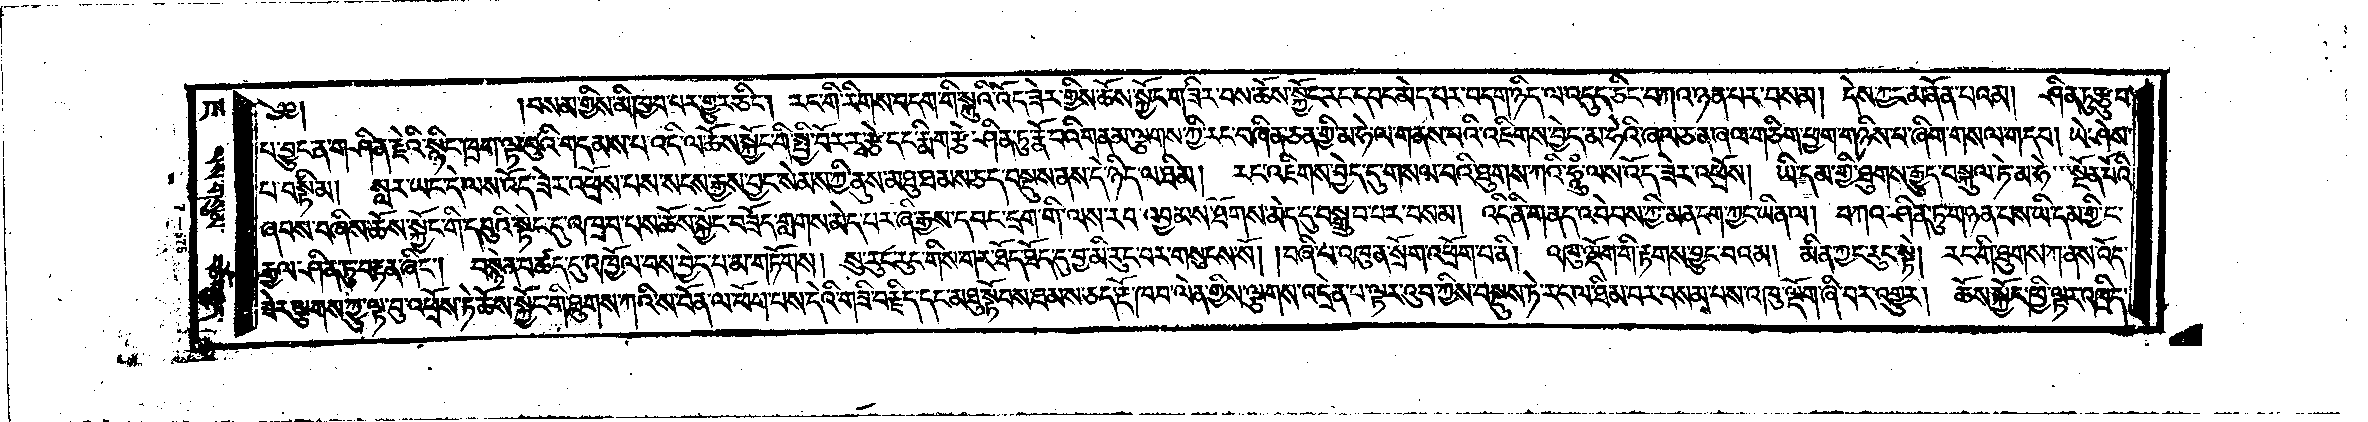༄༅། །བསམ་གྱིས་མི་ཁྱབ་པར་གྱུར་ཅིང་། རང་གི་རིགས་བདག་གི་སྐུའི་འོད་ཟེར་གྱིས་ཆོས་སྐྱོང་གཟིར་བས་ཆོས་སྐྱོང་རང་དབང་མེད་པར་བདག་ཉིད་ལ་འདུད་ཅིང་བཀའ་ཉན་པར་བསམ། དེས་ཀྱང་མནོན་པའམ། ཤིན་ཏུ་རྩུབ་
པ་བྱུང་ན་གཤིན་རྗེའི་སྙིང་ཁྲག་ལྟ་བུའི་གདམས་པ་འདི་ལ་ཆོས་སྐྱོང་གི་སྤྱི་བོར་རྭ་རྩེ་དང་རྨིག་རྩེ་ཤིན་ཏུ་རྣོ་བའི་གནམ་ལྕགས་ཀྱི་རང་བཞིན་ཅན་གྱི་མ་ཧེ་ལ་གནས་པའི་འཇིགས་བྱེད་མ་ཧེའི་ཞལ་ཅན་ཞལ་གཅིག་ཕྱག་གཉིས་པ་ཞིག་གསལ་གདབ། ཡེ་ཤེས་
པ་བསྟིམ། སླར་ཡང་དེ་ལས་འོད་ཟེར་འཕྲོས་པས་སངས་རྒྱས་བྱང་སེམས་ཀྱི་ནུས་མཐུ་ཐམས་ཅད་བསྡུས་ནས་དེ་ཉིད་ལ་ཐིམ། རང་འཇིགས་བྱེད་དུ་གསལ་བའི་ཐུགས་ཀའི་ཧཱུཾ་ལས་འོད་ཟེར་འཕྲོས། ཡི་དམ་གྱི་ཐུགས་རྒྱུད་བསྐུལ་ཏེ་མ་ཧེ་སྔོན་པོའི་
ཞབས་བཞིས་ཆོས་སྐྱོང་གི་དབུའི་སྟེང་དུ་འཁྱབ་པས་ཆོས་སྐྱོང་བཟོད་གླགས་མེད་པར་ཞི་རྒྱས་དབང་དྲག་གི་ལས་རབ་འབྱམས་ཐོགས་མེད་དུ་བསྒྲུབ་པར་བསམ། འདི་ནི་གནད་འབེབས་ཀྱི་མན་ངག་ཀྱང་ཡིན་ལ། བཀའ་ཤིན་ཏུ་གཉན་པས་ཡི་དམ་གྱི་ང་
རྒྱལ་ཤིན་ཏུ་བརྟན་ཞིང་། བསྙེན་པ་ཚད་དུ་འཁྱོལ་བས་བྱེད་པ་མ་གཏོགས། སུ་རུང་རུང་གིས་གར་ཐོད་ཐོད་དུ་བྱ་མི་རུང་བར་གསུངས་སོ། །བཞི་པ་འཁུན་སྲོག་འཕྲོག་པ་ནི། འཁུ་ལྡོག་གི་རྟགས་བྱུང་བའམ། མིན་ཀྱང་རུང་སྟེ། རང་གི་ཐུགས་ཀ་ནས་འོད་
ཟེར་ལྕགས་ཀྱུ་ལྟ་བུ་འཕྲོས་ཏེ་ཆོས་སྐྱོང་གི་ཐུགས་ཀའི་ས་བོན་ལ་ཕོག་པས་དེའི་གཟི་བརྗིད་དང་མཐུ་སྟོབས་ཐམས་ཅད་རྡོ་ཁབ་ལེན་གྱིས་ལྕགས་འདྲེན་པ་ལྟར་འུབ་ཀྱིས་བསྡུས་ཏེ་རང་ལ་ཐིམ་པར་བསམས་པས་འཁུ་ལྡོག་ཞི་བར་འགྱུར། ཆོས་སྐྱོང་ཁྱི་ལྟར་འཁྲིད་